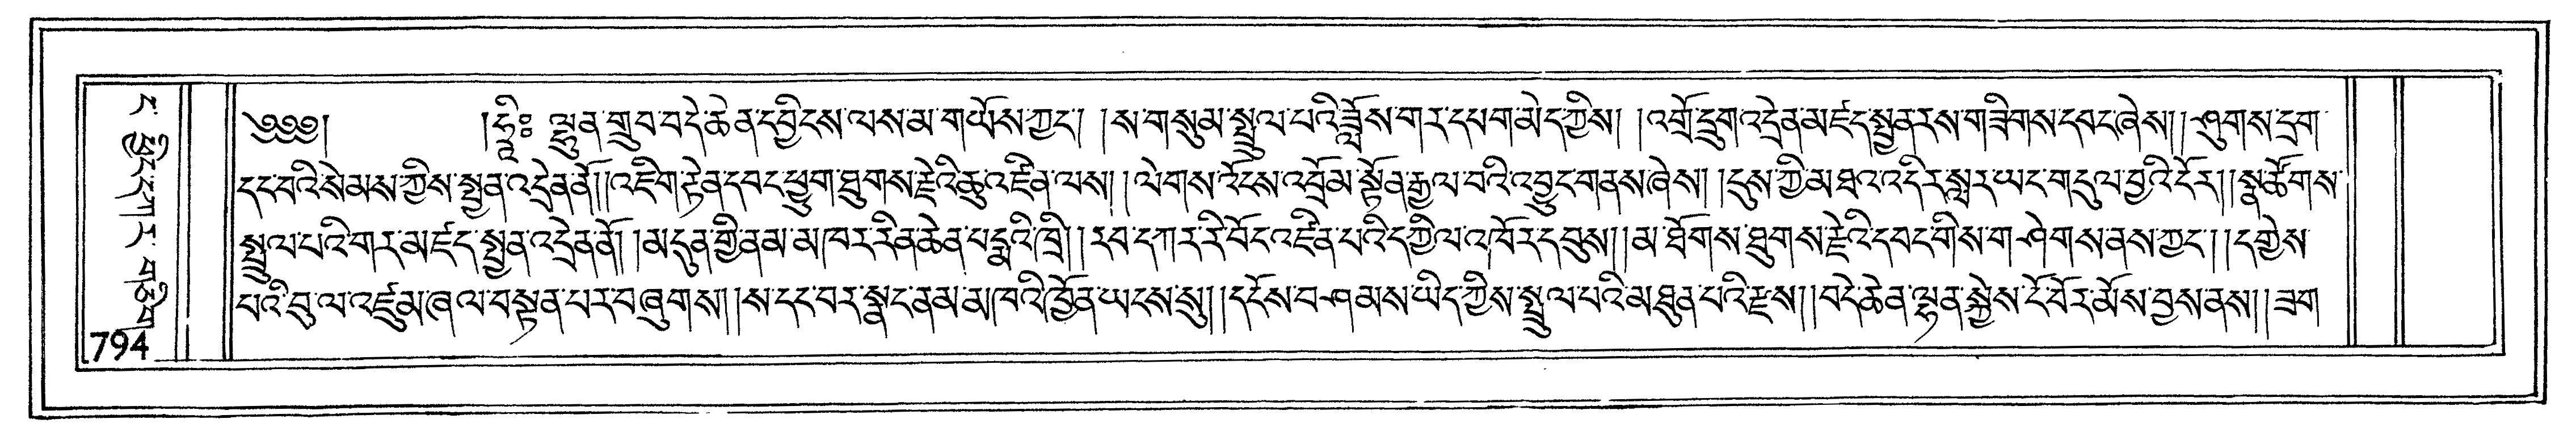༄༅༅། །ཧྲཱིཿ ལྷུན་གྲུབ་བདེ་ཆེན་དབྱིངས་ལས་མ་གཡོས་ཀྱང་། །ས་གསུམ་སྤྲུལ་པའི་ཟློས་གར་དཔག་མེད་ཀྱིས། །འགྲོ་དྲུག་འདྲེན་མཛད་སྤྱན་རས་གཟིགས་དབང་ཞེས། །ཤུགས་དྲག་
དང་བའི་སེམས་ཀྱིས་སྤྱན་འདྲེན་ནོ། །འཇིག་རྟེན་དབང་ཕྱུག་ཐུགས་རྗེའི་ཆུ་འཛིན་ལས། །ལེགས་འོངས་འབྲོམ་སྟོན་རྒྱལ་བའི་འབྱུང་གནས་ཞེས། །དུས་ཀྱི་མཐའ་འདིར་སླར་ཡང་གདུལ་བྱའི་ངོར། །སྣ་ཚོགས་
སྤྲུལ་པའི་གར་མཛད་སྤྱན་འདྲེན་ནོ། །མདུན་གྱི་ནམ་མཁར་རིན་ཆེན་པདམའི་ཁྲི། །རབ་དཀར་རི་བོང་འཛིན་པའི་དཀྱིལ་འཁོར་དབུས། །མ་ཐོགས་ཐུགས་རྗེའི་དབང་གིས་གཤེགས་ནས་ཀྱང་། །དགྱེས་
པའི་བུ་ལ་འཛུམ་ཞལ་བསྟན་པར་བཞུགས། །ས་དང་བར་སྣང་ནམ་མཁའི་ཁྱོན་ཡངས་སུ། །དངོས་བཤམས་ཡིད་ཀྱིས་སྤྲུལ་པའི་མཐུན་པའི་རྫས། །བདེ་ཆེན་ལྷན་སྐྱེས་ངོ་བོར་མོས་བྱས་ནས། །ཟག་